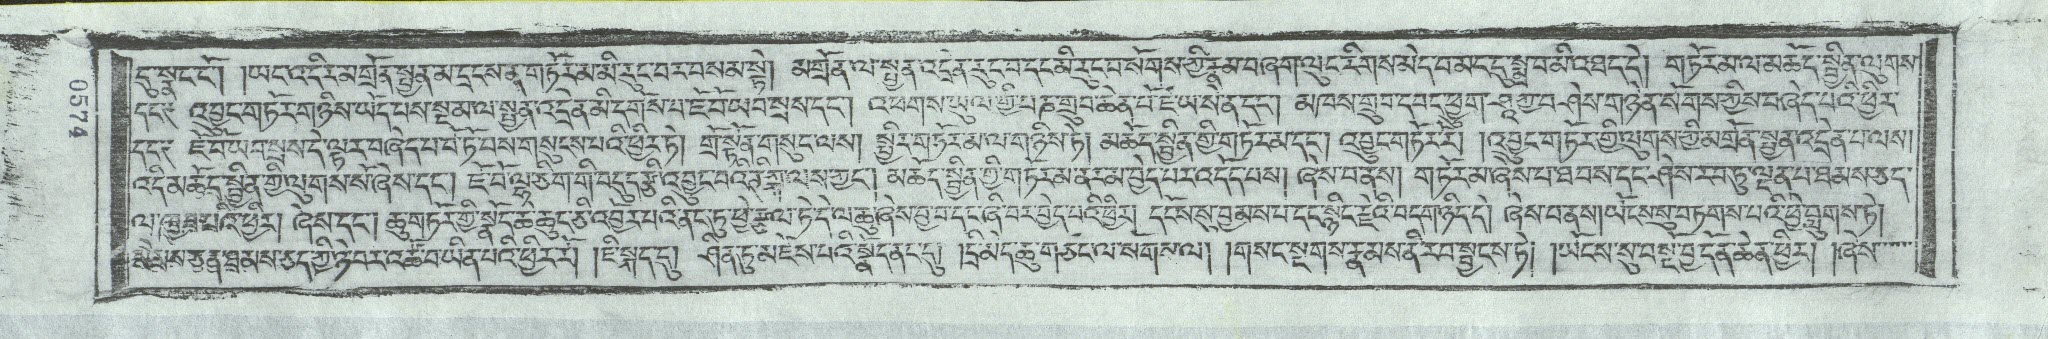དུ་སྣང་ངོ། །ཡང་འདིར་མགྲོན་སྤྱན་མ་དྲངས་ན་གཏོར་མ་མི་རུང་བར་བསམ་སྟེ། མགྲོན་ལ་སྤྱན་འདྲེན་རུང་བ་དང་མི་རུང་བ་སོགས་ཀྱི་རྣམ་བཞག་ལུང་རིགས་མེད་པ་མང་དུ་སྨྲ་བ་མི་འཐད་དེ། གཏོར་མ་ལ་མཆོད་སྦྱིན་ལུགས་
དང༑ འབྱུང་གཏོར་གཉིས་ཡོད་པས་སྔ་མ་ལ་སྤྱན་འདྲེན་མི་དགོས་པ་ཇོ་བོ་ཡབ་སྲས་དང་། འཕགས་ཡུལ་གྱི་པཎ་གྲུབ་ཆེན་པོ་ཛ་ཡ་སེ་ན་དང་། མཁས་གྲུབ་དབང་ཕྱུག་ཤའྐྱ་བཤེས་གཉེན་སོགས་ཀྱིས་བཞེད་པའི་ཕྱིར་
དང༑ ཇོ་བོ་ཡབ་སྲས་དེ་ལྟར་བཞེད་པ་བ་ཏོབས་གསུངས་པའི་ཕྱིར་ཏེ། གྲོ་སྟོན་གསུང་ལས། སྤྱིར་གཏོར་མ་ལས་གཉིས་ཏེ། མཆོད་སྦྱིན་གྱི་གཏོར་མ་དང་། འབྱུང་གཏོར་རོ། །འབྱུང་གཏོར་རོ། །འབྱུང་གཏོར་གྱི་ལུགས་ཀྱི་མགྲོན་སྤྱན་འདྲེན་པ་ལས།
འདི་མཆོད་སྦྱིན་གྱི་ལུགས་སོ་ཞེས་དང་། ཇོ་བོ་ལྷ་ཅིག་གི་བདུད་རྩི་འབྱུང་བའི་ཊི་ཀྐ་ལས་ཀྱང་། མཆོད་སྦྱིན་གྱི་གཏོར་མ་ནར་རམ་བྱེད་པར་འདོད་པས། ཞེས་པ་ནས། གཏོར་མ་ཞེས་པ་ཐབས་དང་ཤེས་རབ་ཏུ་ལྡན་པ་ཐམས་ཅད་
ལ་ཁྱབ་པའི་ཕྱིར། ཞེས་དང་། ཆུ་གཏོར་གྱི་སྣོད་ཆེ་ཆུང་ཅི་འབྱོར་པའི་ནང་ཏུ་ཕྱེ་རྩལ་ཏེ་དེ་ལ་ཆུ་ཞེས་བྱ་བ་དང་ཞི་བར་བྱེད་པའི་ཕྱིར། དངོས་སུ་བྱམས་པ་དང་སྙིང་རྗེའི་བདག་ཉིད་དེ། ཞེས་པ་ནས། ཡོངས་སུ་བཏགས་པའི་ཕྱེ་བླུགས་ཏེ།
སེམས་ཅན་ཐམས་ཅད་ཀྱི་ཉེ་བར་འཚོ་བ་ཡིན་པའི་ཕྱིར་རོ། །ཇི་སྐད་དུ། ཤིན་ཏུ་མཛེས་པའི་སྣོད་ནང་དུ། །དྲི་མེད་ཆུ་གཙང་ལ་སོགས་ལ། །གསང་སྔགས་རྣམས་ནི་རབ་སྦྱངས་ཏེ། །ཡོངས་སུ་བསྔོ་བྱ་དོན་ཆེན་ཕྱིར། །ཞེས་